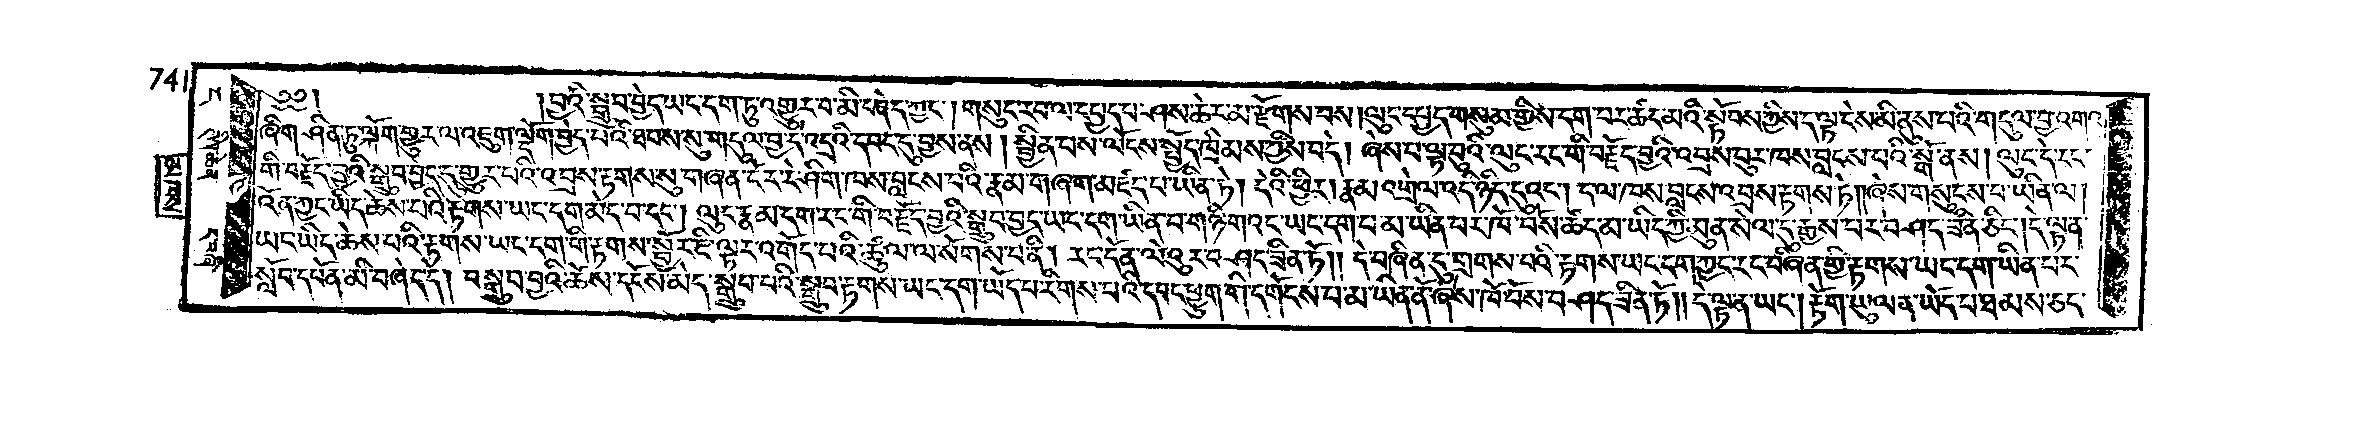༄༅། །བྱའི་སྒྲུབ་བྱེད་ཡང་དག་ཏུ་འགྱུར་བ་མིང་ཞེད་ཀྱང་། གསུང་རབ་ལ་དཔྱད་པ་ཤས་ཆེར་མ་རྫོགས་པས། ལུང་དཔྱད་གསུམ་གྱིས་དག་པར་ཚད་མའི་སྟོབས་ཀྱིས་ད་ལྟ་ངེས་མི་ནུས་པའི་གདུལ་བྱ་འགའ་
ཞིག་ཤིན་ཏུ་ལྐོག་གྱུར་ལ་འཇུག་ལྡོག་བྱེད་པའི་ཐབས་སུ་གདུལ་བྱ་དེ་འདྲའི་དབང་དུ་བྱས་ནས། སྦྱིན་པས་ལོངས་སྤྱོད་ཁྲིམས་ཀྱིས་བདེ། ཞེས་པ་ལྟ་བུའི་ལུང་རང་གི་བརྗོད་བྱའི་འབྲས་བུར་ཁས་བླངས་པའི་སྒོ་ནས། ལུང་དེ་རང་
གི་བརྗོད་བྱའི་སྒྲུབ་བྱེད་དུ་གྱུར་པའི་འབྲས་རྟགས་སུ་གཞན་ངོར་རེ་ཤིག་ཁས་བླངས་པའི་རྣམ་གཞག་མཛད་པ་ཡིན་ཏེ། དེའི་ཕྱིར། རྣམ་འགྲེལ་འདི་ཉིད་དུའང་། དེ་ལ་ཁས་བླངས་འབྲས་རྟགས་ཏེ། །ཞེས་གསུངས་པ་ཡིན་ལ།
འོན་ཀྱང་ཡིད་ཆེས་པའི་རྟགས་ཡང་དག་མེད་པ་དང་། ལུང་རྣམ་དག་རང་གི་བརྗོད་བྱའི་སྒྲུབ་བྱེད་ཡང་དག་ཡིན་པ་གཉི་གའང་ཡང་དག་པ་མ་ཡིན་པར་ཁོ་བོས་ཚད་མ་ཡིད་ཀྱི་མུན་སེལ་དུ་རྒྱས་པར་བཤད་ཟིན་ཅིང་། དེ་ལྟ་ན་
ཡང་ཡིད་ཆེས་པའི་རྟགས་ཡང་དག་གི་རྟགས་སྦྱོར་ཇི་ལྟར་འགོད་པའི་ཚུལ་ལ་སོགས་པ་ནི། རང་དོན་ལེའུར་བཤད་ཟིན་ཏོ། །དེ་བཞིན་དུ་གྲགས་པའི་རྟགས་ཡང་དག་ཀྱང་རང་བཞིན་གྱི་རྟགས་ཡང་དག་ཡིན་པར་
སློབ་དཔོན་མི་བཞེད་དེ། བསྒྲུབ་བྱའི་ཆོས་དངོས་མེད་སྒྲུབ་པའི་སྒྲུབ་རྟགས་ཡང་དག་ཡོད་པ་རིགས་པའི་དབང་ཕྱུགས་གི་དགོངས་པ་མ་ཡིན་ནོ་ཞེས་ཁོ་བོས་བཤད་ཟིན་ཏོ། །དེ་ལྟ་ན་ཡང་། རྟོག་ཡུལ་ན་ཡོད་པ་ཐམས་ཅད་